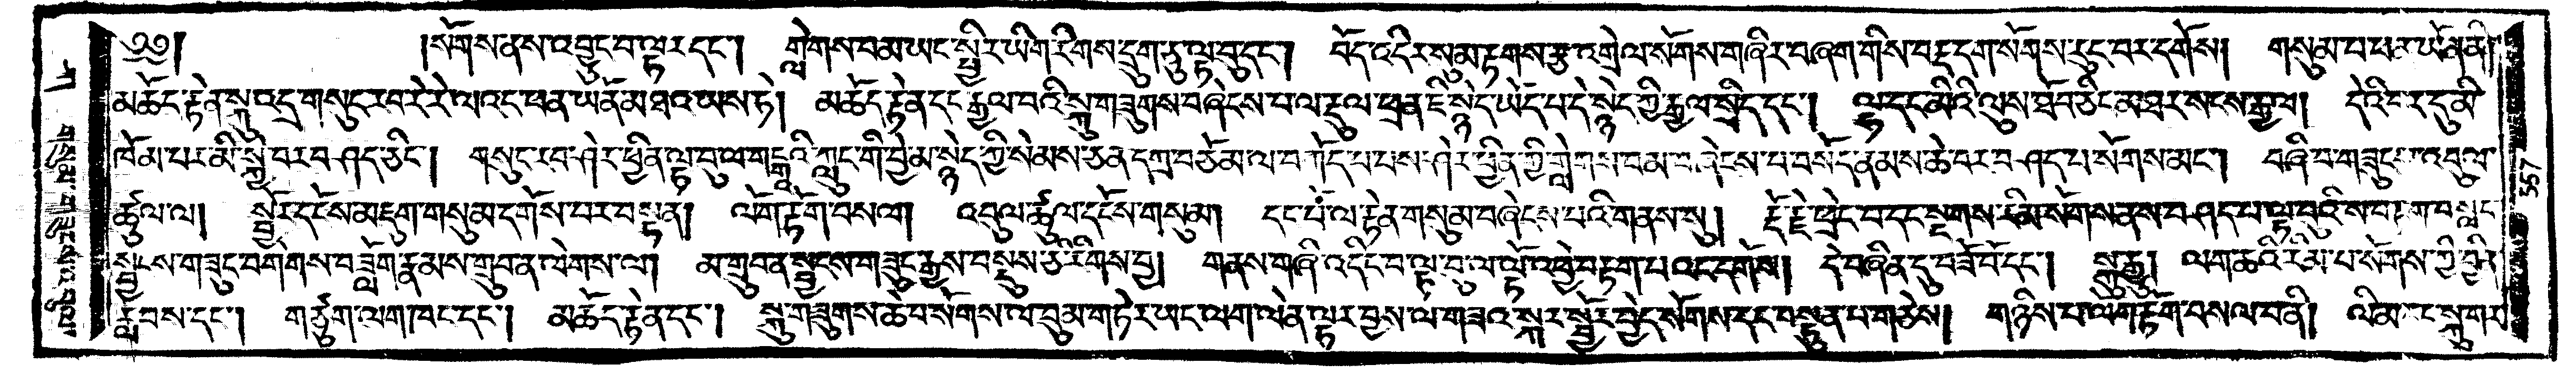༄༅། །སོགས་ནས་འབྱུང་བ་ལྟར་དང་། གླེགས་བམ་ཡང་སྤྱིར་ཡིག་རིགས་དྲུག་ཅུ་ལྟ་བུ་དང་། བོད་འདིར་སུམ་རྟགས་རྩ་འགྲེལ་སོགས་གཞིར་བཞག་གིས་བརྡ་དག་སོགས་རུང་བར་དགོས། གསུམ་པ་ཕམ་ཡོན་ནི།
མཆོད་རྟེན་སྐུ་འདྲ་གསུང་རབ་རེ་རེ་ལའང་ཕན་ཡོན་མཐའ་ཡས་ཏེ། མཆོད་རྟེན་དང་རྒྱལ་བའི་སྐུ་གཟུགས་བཞེངས་པ་ལ་རྡུལ་ཕྲན་ཇི་སྙེད་ཡོད་པ་དེ་སྙེད་ཀྱི་རྒྱལ་སྲིད་དང་། ལྷ་དང་མིའི་ལུས་ཐོབ་ཅིང་མཐར་སངས་རྒྱལ། དེའི་ངར་དུ་མི་
ཁོམ་པར་མི་སྐྱེ་བར་བཤད་ཅིང་། གསུང་རབ་ཤེར་ཕྱིན་ལྟ་བུ་ལ་གངྒའི་ཀླུང་གི་བྱེ་མ་སྙེད་ཀྱི་སེམས་ཅན་དགྲ་བཅོམ་ལ་བཀོད་པ་པས་ཤེར་ཕྱིན་གྱི་གླེགས་ཁམ་བཞེངས་པ་བསོད་ནམས་ཆེ་བར་བཤད་པ་སོགས་མང་། བཞི་པ་གསུངས་འབུལ་
ཚུལ་ལ། སྦྱོར་དངོས་མཇུག་གསུམ་དགོས་པར་བསྟན། ལོག་རྟོག་བསལ། འབུལ་ཚུལ་དངོས་གསུམ། དང་པོ་ལ་རྟེན་གསུམ་བཞེངས་པའི་གནས་སུ། རྡོ་རྗེ་ཕྲེང་པ་དང་སྔགས་རིམ་སོགས་ནས་བཤད་བ་ལྟ་བུའི་ས་བརྟག་བསླང་
སྦྱངས་གཟུང་བགེགས་བཟློག་རྣམས་གྲུབ་ན་ལེགས་ལ། མ་གྲུབ་ན་སྦྱངས་གཟུང་རྒྱས་བསྡུས་ཅི་རིགས་བྱ། གནས་གཞི་འདིང་བ་ལྟ་བུ་ལ་ལྟོ་འཕྱེ་བརྟག་པའང་དགོས། དེ་བཞིན་དུ་བཟོ་བོ་དང་། སྐུ་རྒྱུ། ལག་ཆའི་རིམ་པ་སོགས་ཀྱི་བྱིན་
རླབས་དང་། གཙུག་ལག་ཁང་དང་། མཆོད་རྟེན་དང་། སྐུ་གཟུགས་ཆེ་བ་སོགས་ལ་བུམ་གཏེར་ཡང་ལག་ལེན་ལྟར་བྱས་ལ་གཟའ་སྐར་སྦྱོར་བྱེད་སོགས་དང་བསྟུན་པ་གཅེས། གཉིས་པ་ལག་རྟོག་བསལ་བ་ནི། ལི་མངར?་སྐུ་གར་